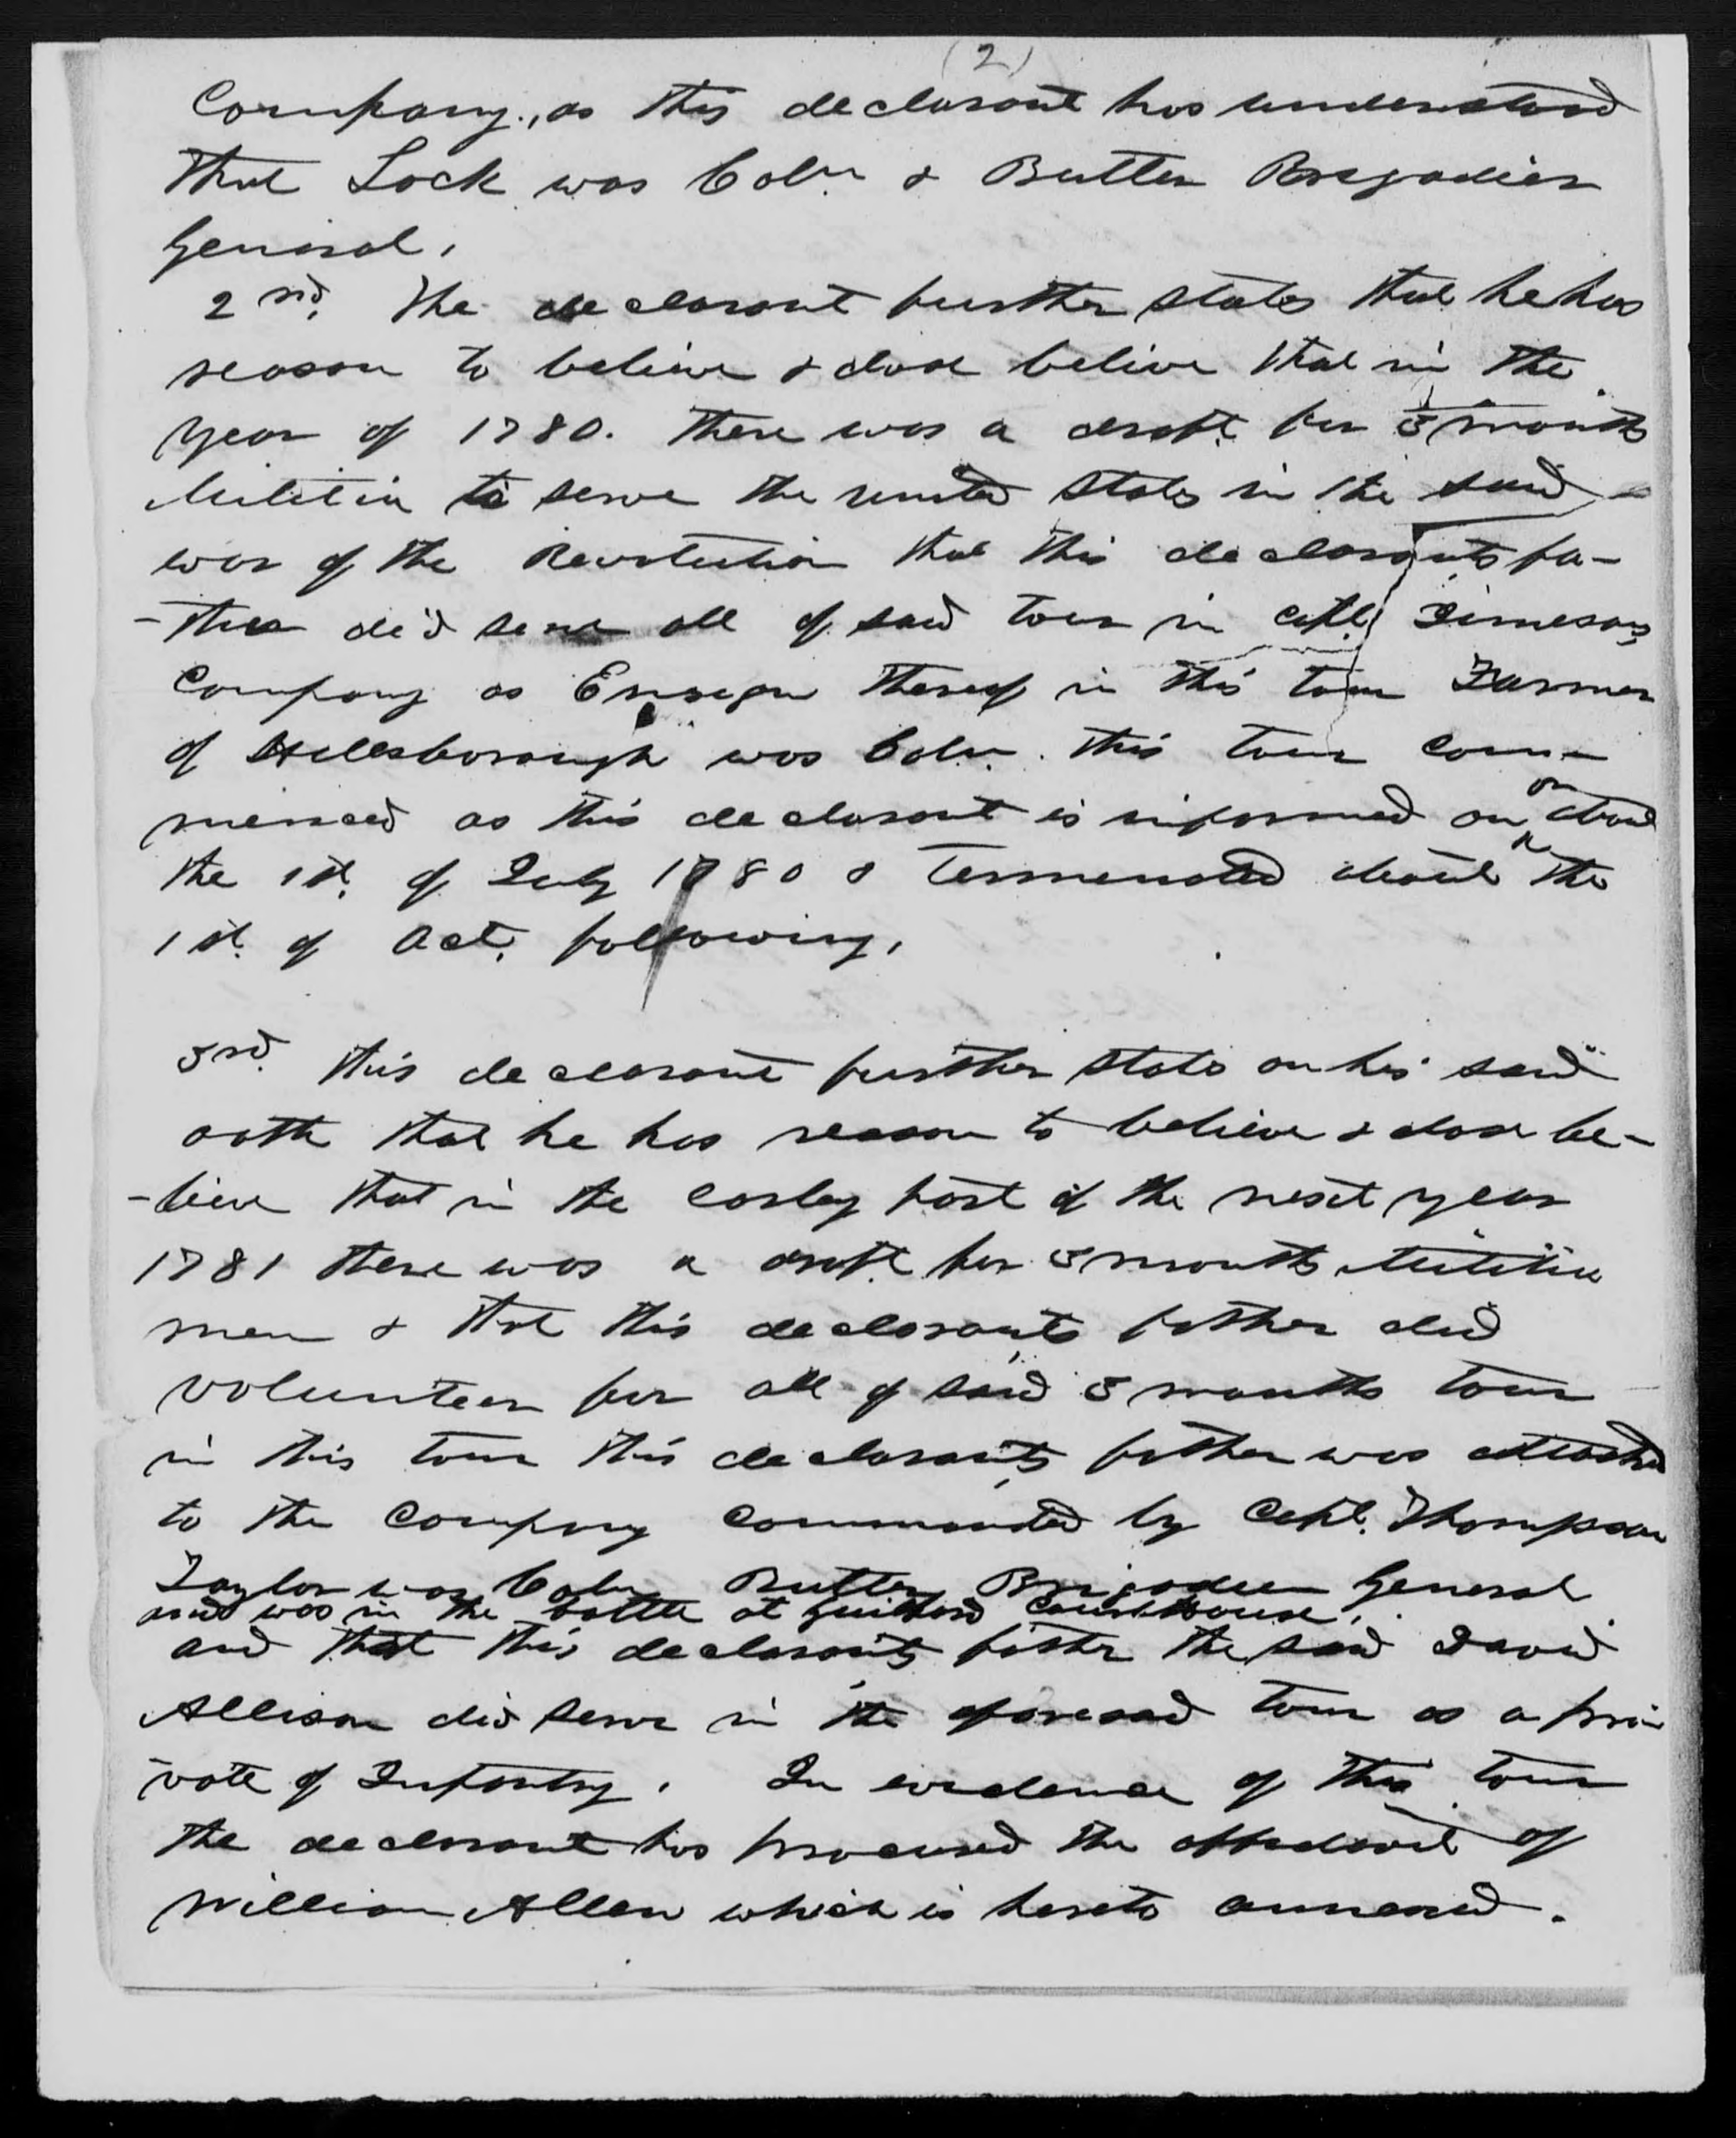company as this declarant has understood that Lock was Colm. and Butten brigades General.
2nd.  The declarant further states that he has reason to believe and does believe that in the year of 1780 there was a draft for 5 months militia to serve the United States in the said war of the revolution that this declarants father [illegible] all of said tour in Capt {illegible] company as ensign thereof in this tour  [illegible] of Hillsborough was Colm. this tour commenced as this declarant is informed on or about the 1st of July 1780 and terminated about the 1st of Oct following.
3rd/ This declarant further states on his said oath that he has reason to believe and does believe that in the early part of the next year 1781 there was a draft for 5 months [illegible] men and not this declarants father did volunteer for all of said 5 months tour in this tour this declarants father was attached to the company commanded by Capt Thompson, Taylor was Capt Butlers brigade, General [illegible] in the battle at [illegible] courthouse, and that this declarant father the said David Allison did serve in  the aforesaid tour as a private of infantry.  In evidence of this tour the declarant has [illegible] the affidavit of William Allen which is hereto annexed.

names: Butler, David Allison, Thompson Taylor, Butler, William Allen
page: 3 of 33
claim: rejected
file: R. 155, David Allison, N.C.